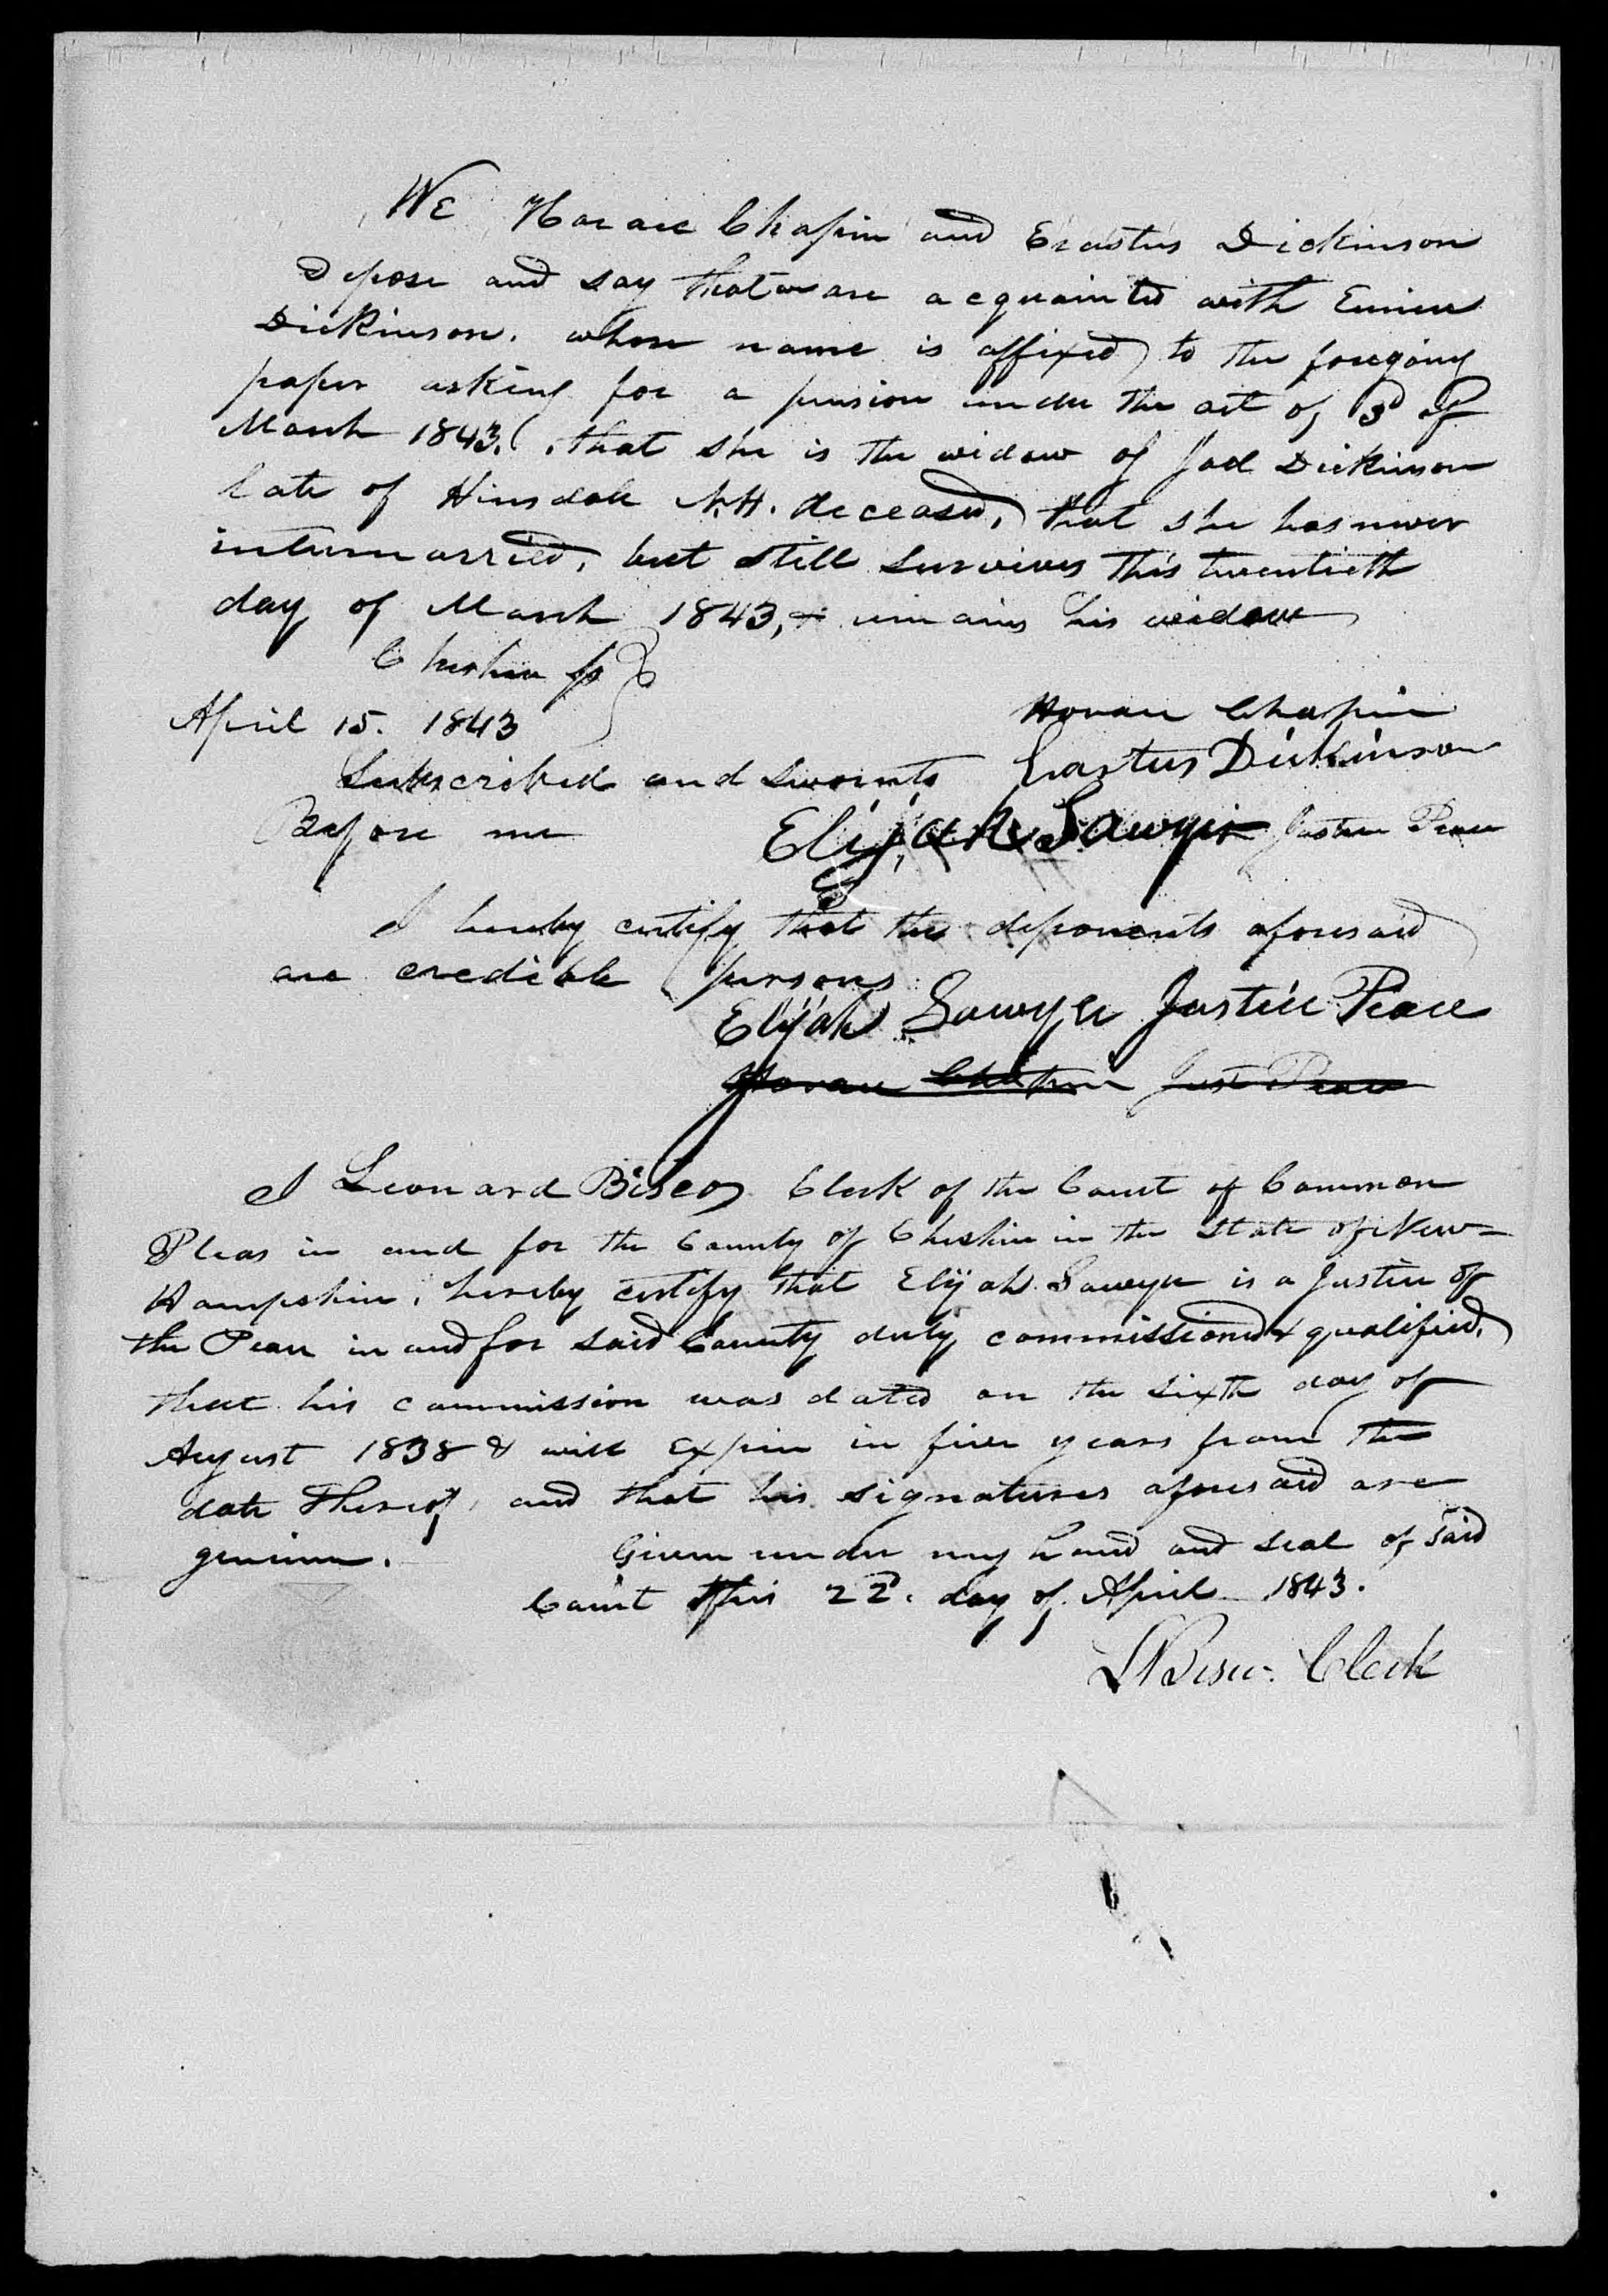We Horace Chapin and Erastus Dickinson
Depose and say that we are acquainted with Eunice
Dickinson, whose name is affixed to the foregoing
paper asking for a pension under the act of 3d of
March 1843. & that she is the widow of Joel Dickinson
late of Hinsdale N.H. deceased, that she has never
intermarried, but still survives this twentieth
day of March 1843, & remains his widow
Horace Chapin
Erastus Dickinson

Cheshire Ss}
April 15, 1843}
Subscribed and Sworn to 
Before me Elijah Sawyer Justice Peace
I hereby certify that the deponents aforesaid
are credible persons
Elijah Sawyer Justice Peace
["Horace Chapin Just Peace" crossed through]

I Leonard Bisco, Clerk of the Court of Common
Pleas in and for the County of Cheshire in the State of New
Hampshire, hereby certify that Elijah Sawyer is a Justice of
the Peace in and for said County duly commissioned & qualified, 
that his commission was dated on the sixth day of
August 1838 & will expire in five years from the
date thereof, and that his signatures aforesaid are
genuine. Given under my hand and seal of said
Court this 22d day of April 1843.

L Bisco, Clerk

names: Leonard Bisco, Elijah Sawyer, Elijah Sawyer, Horace Chapin, L Bisco, Eunice Dickinson, Joel Dickinson, Horace Chapin, Horace Chapin, Elijah Sawyer, Erastus Dickinson, Erastus Dickinson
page: 23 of 31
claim: widow's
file: W. 22946, Joel Dickinson, Mass.